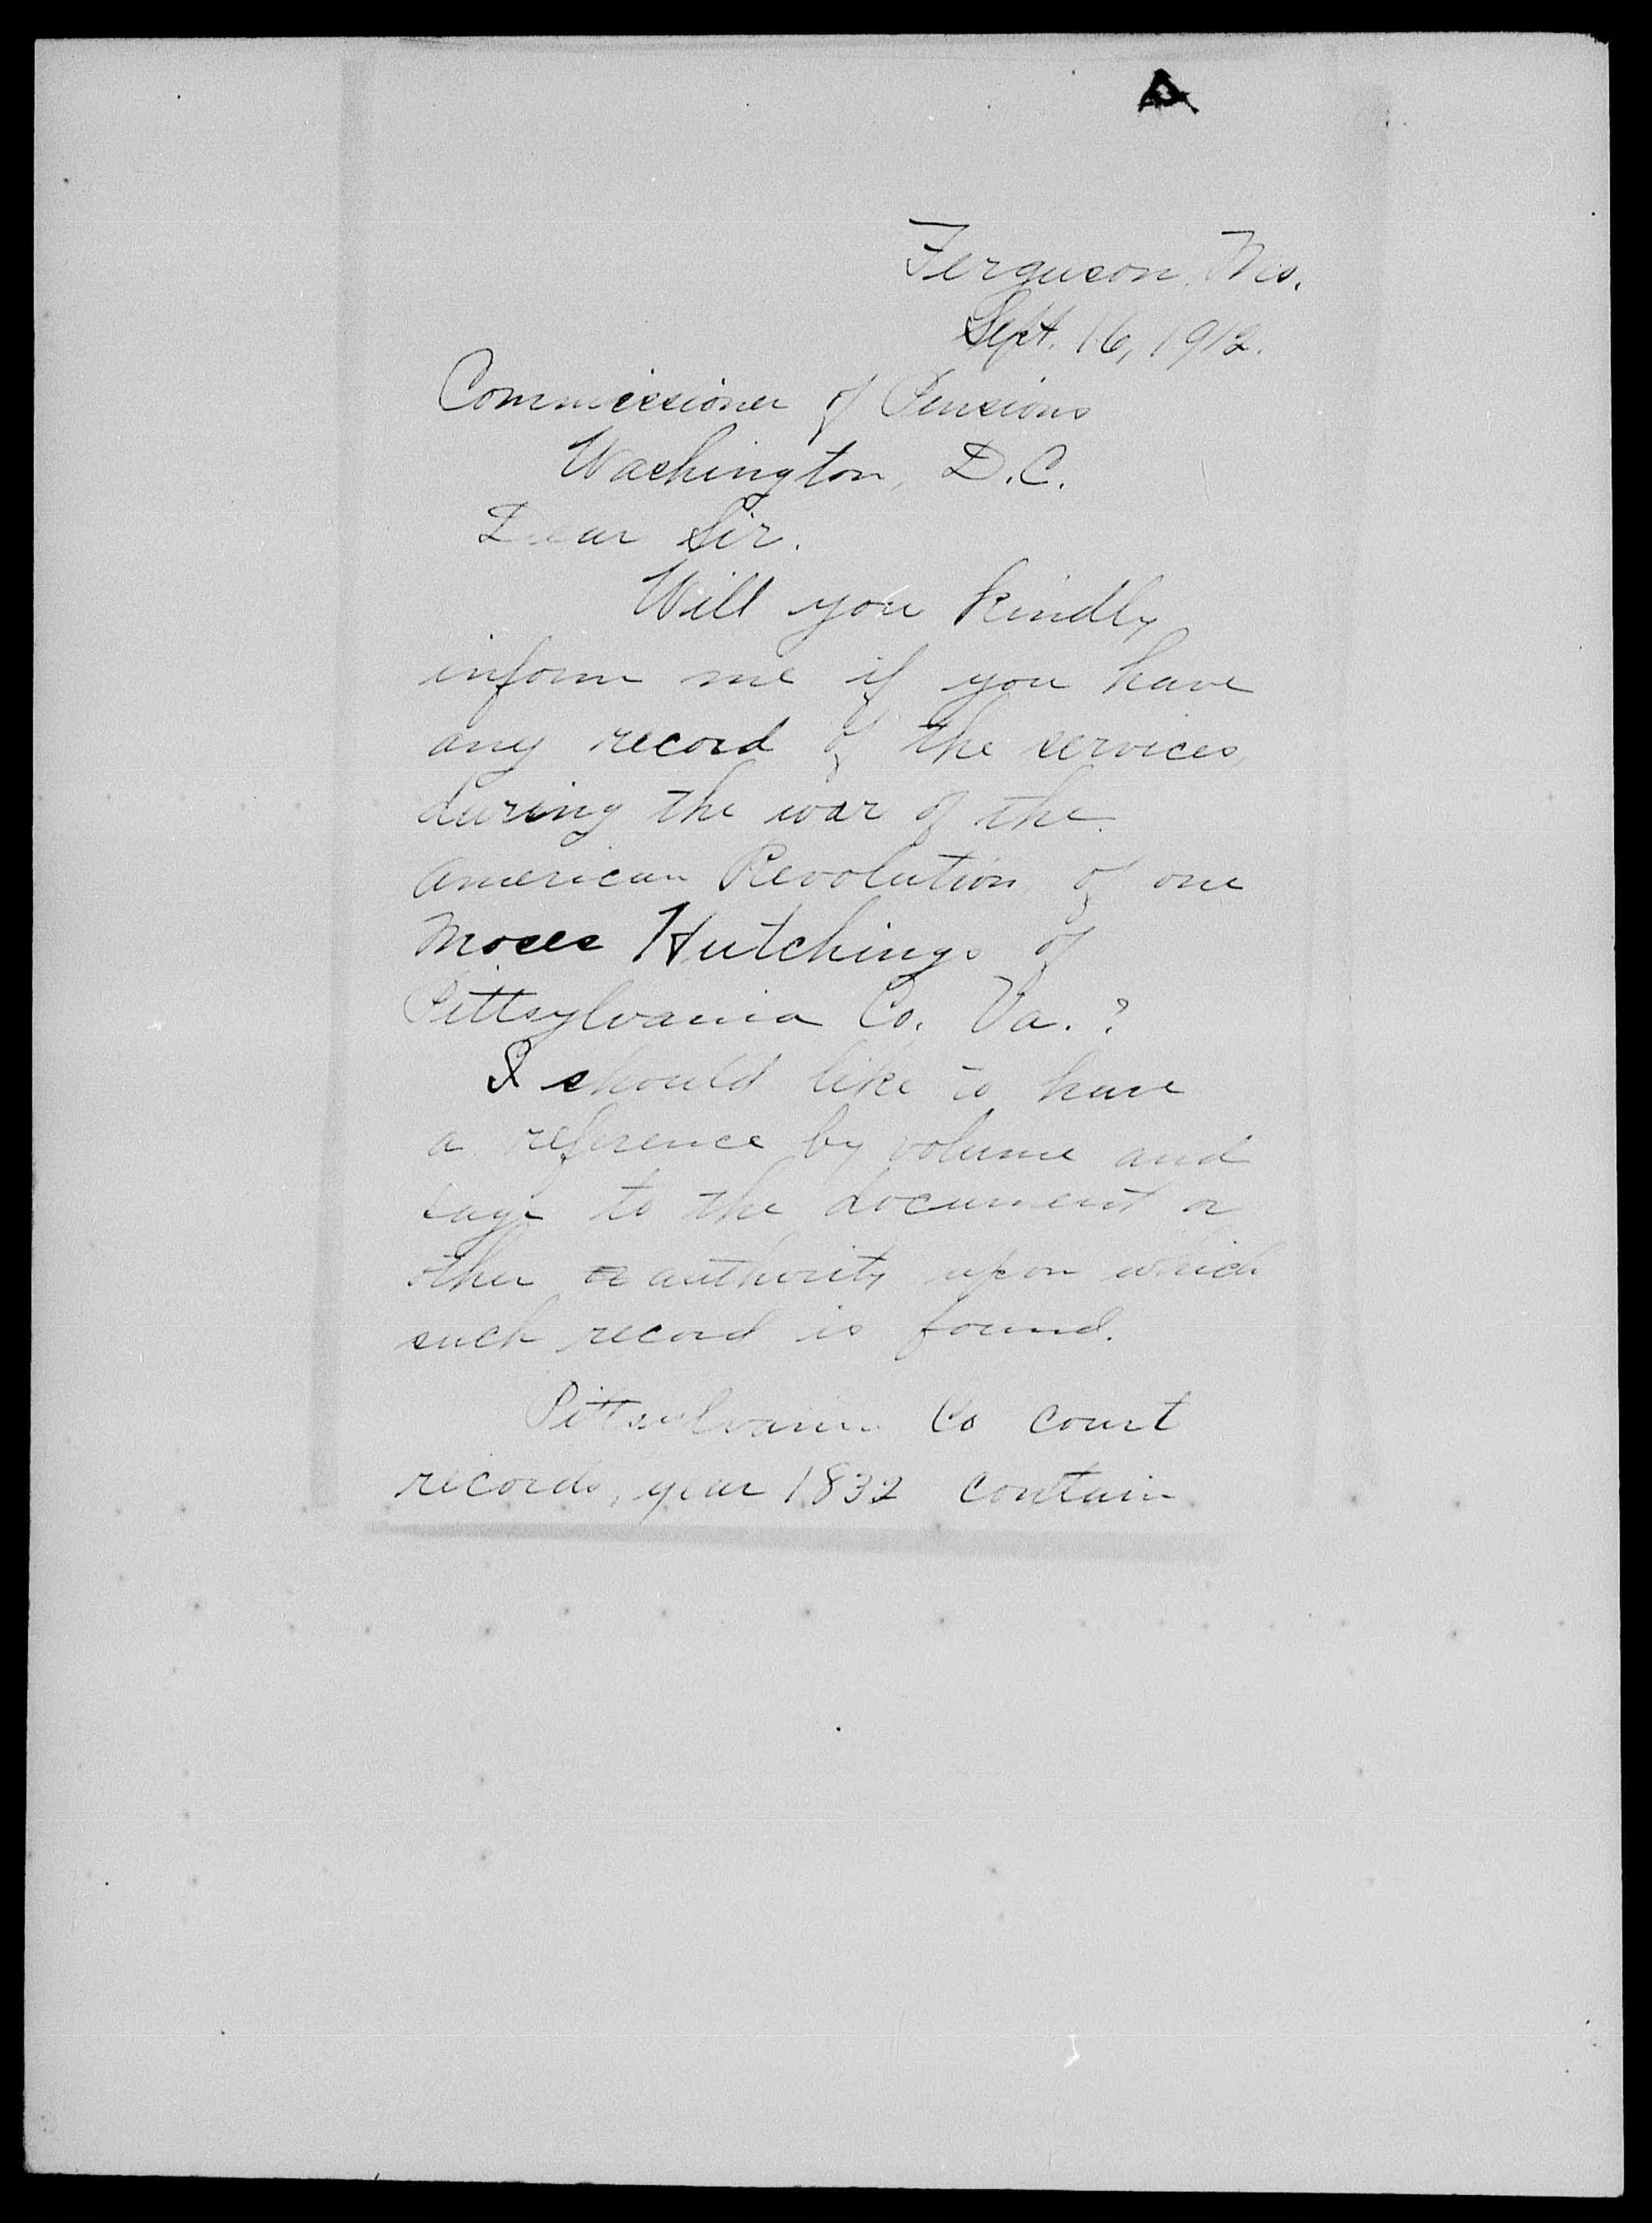A

Ferguson Wis. 
Sept, 16, 1912. 

Commissioner of Pensions 
Washington, D. C. 

Dear Sir, 
Will you kindly inform me if you have any record of the services, during the war of the American Revolution of one Moses Hutchings of Pittsylvania Co. Va.? 
I should like to have a reference by volume and pay to the document or other authority upon which such record is found. 
Pittsylvania Co. Court records, year 1832 contain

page: 13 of 18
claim: survivor's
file: S. 8742, for Moses Hutchings, Virginia